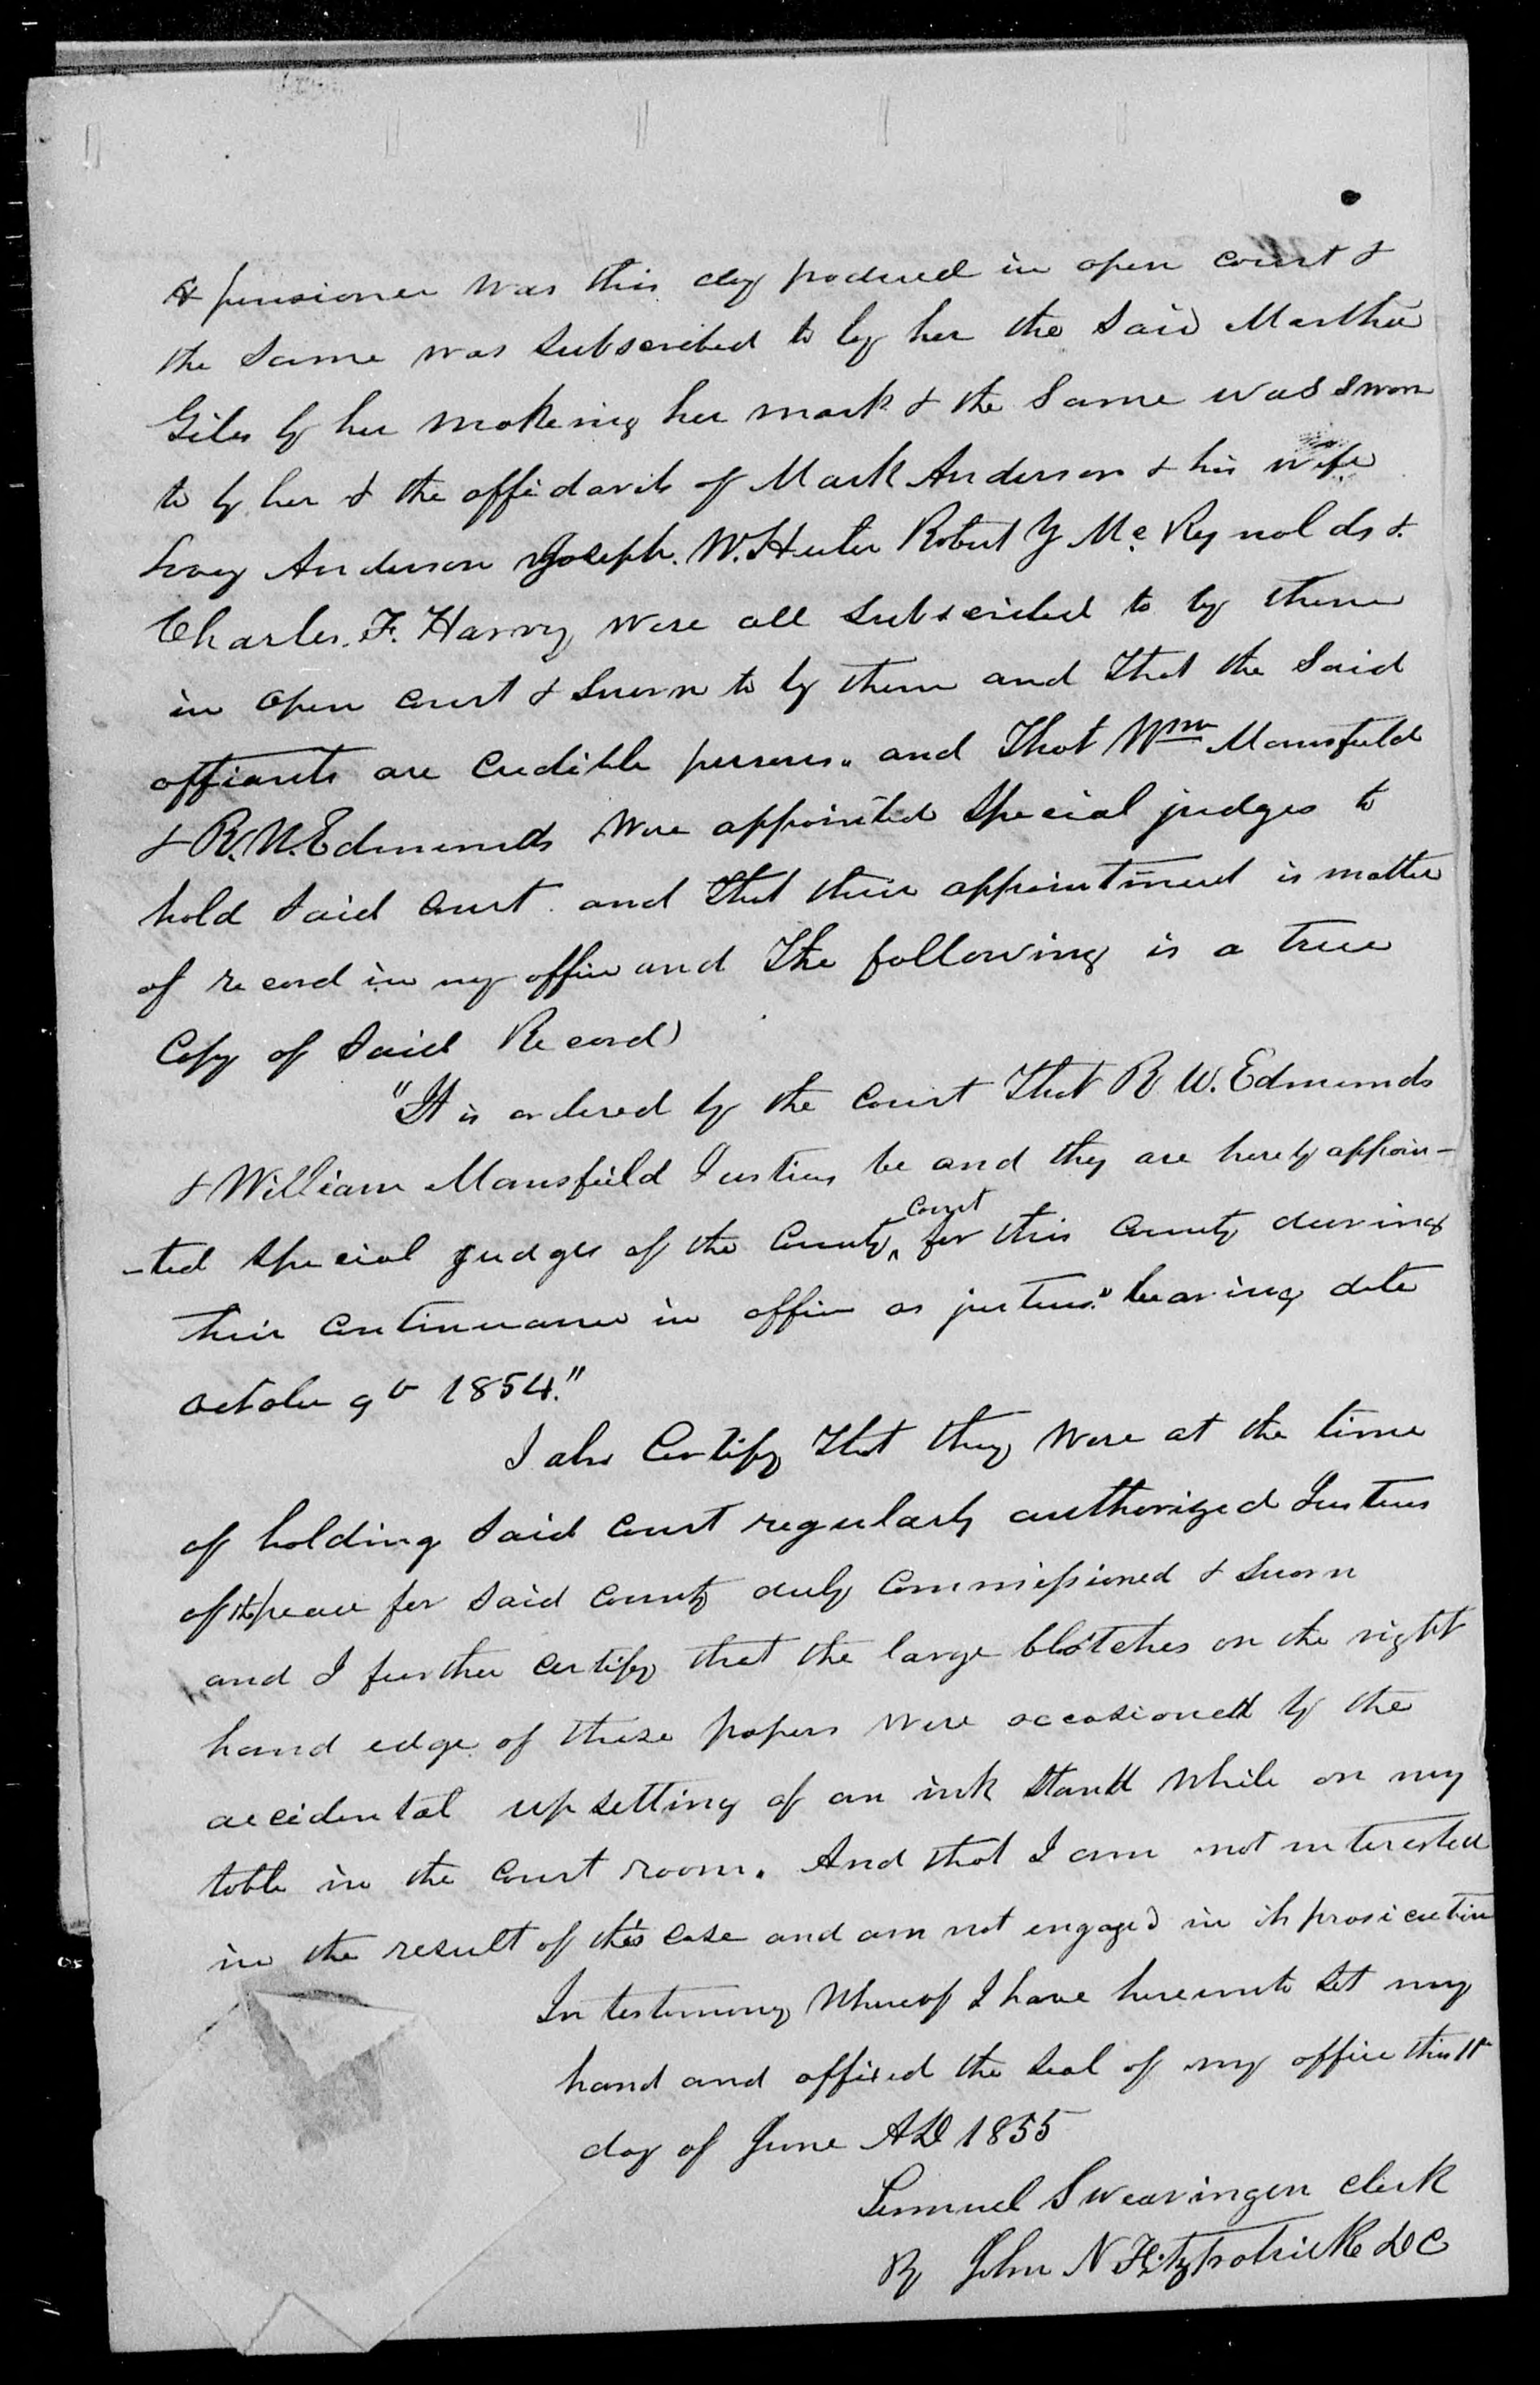A pensioner was this day procured in open court & the same was subscribed to by the said Martha Giles by her making her mark & the same was sworn to by her & the affidavits of Mark Anderson & his wife Lucy Anderson Joseph W. Hunter Robert Y McReynolds & Charles F. Harry were all subscribed to by them in open court & sworn to by them and that the said affiants are credible persons and that Wm Mansfield & R.M. Edmunds were appointed special judges to hold said court and that their appointment is matter of record in my office and the following is a true copy of said record)

"It is ordered by the court that R.W. Edmunds & William Mansfield Justices be and they are hereby appointed special judges of the County Court for this County during their continuance in office as justices" having date October 9th 1854."

I also certify that they were at the time of holding said court regularly authorized Justices of the Peace for said county duly commissioned & sworn and I further certify that the large blotches on the right hand edge of these papers were occassioned by the accidental upsetting of an ink stand while on my table in the court room. And that I am not interested in the result of this case and am not engaged in its prosecution
In testimony whereof I have hereunto set my hand and affixed the seal of my office this 11th day of June AD 1855
Lemuel Swearingen clerk
R John N. Fitzpatrick DC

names: R W Edmunds, Charles F Harry, William Mansfield, R W Edmunds, Lemuel Swearingen, Martha Giles, Robert Y Mc Reynolds, Joseph W Heeter, John N Fitzpatrick, Mark Anderson, Lovey Anderson, Wm Mansfield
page: 33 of 82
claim: widow's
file: W. 7,522, John Giles, N.C.